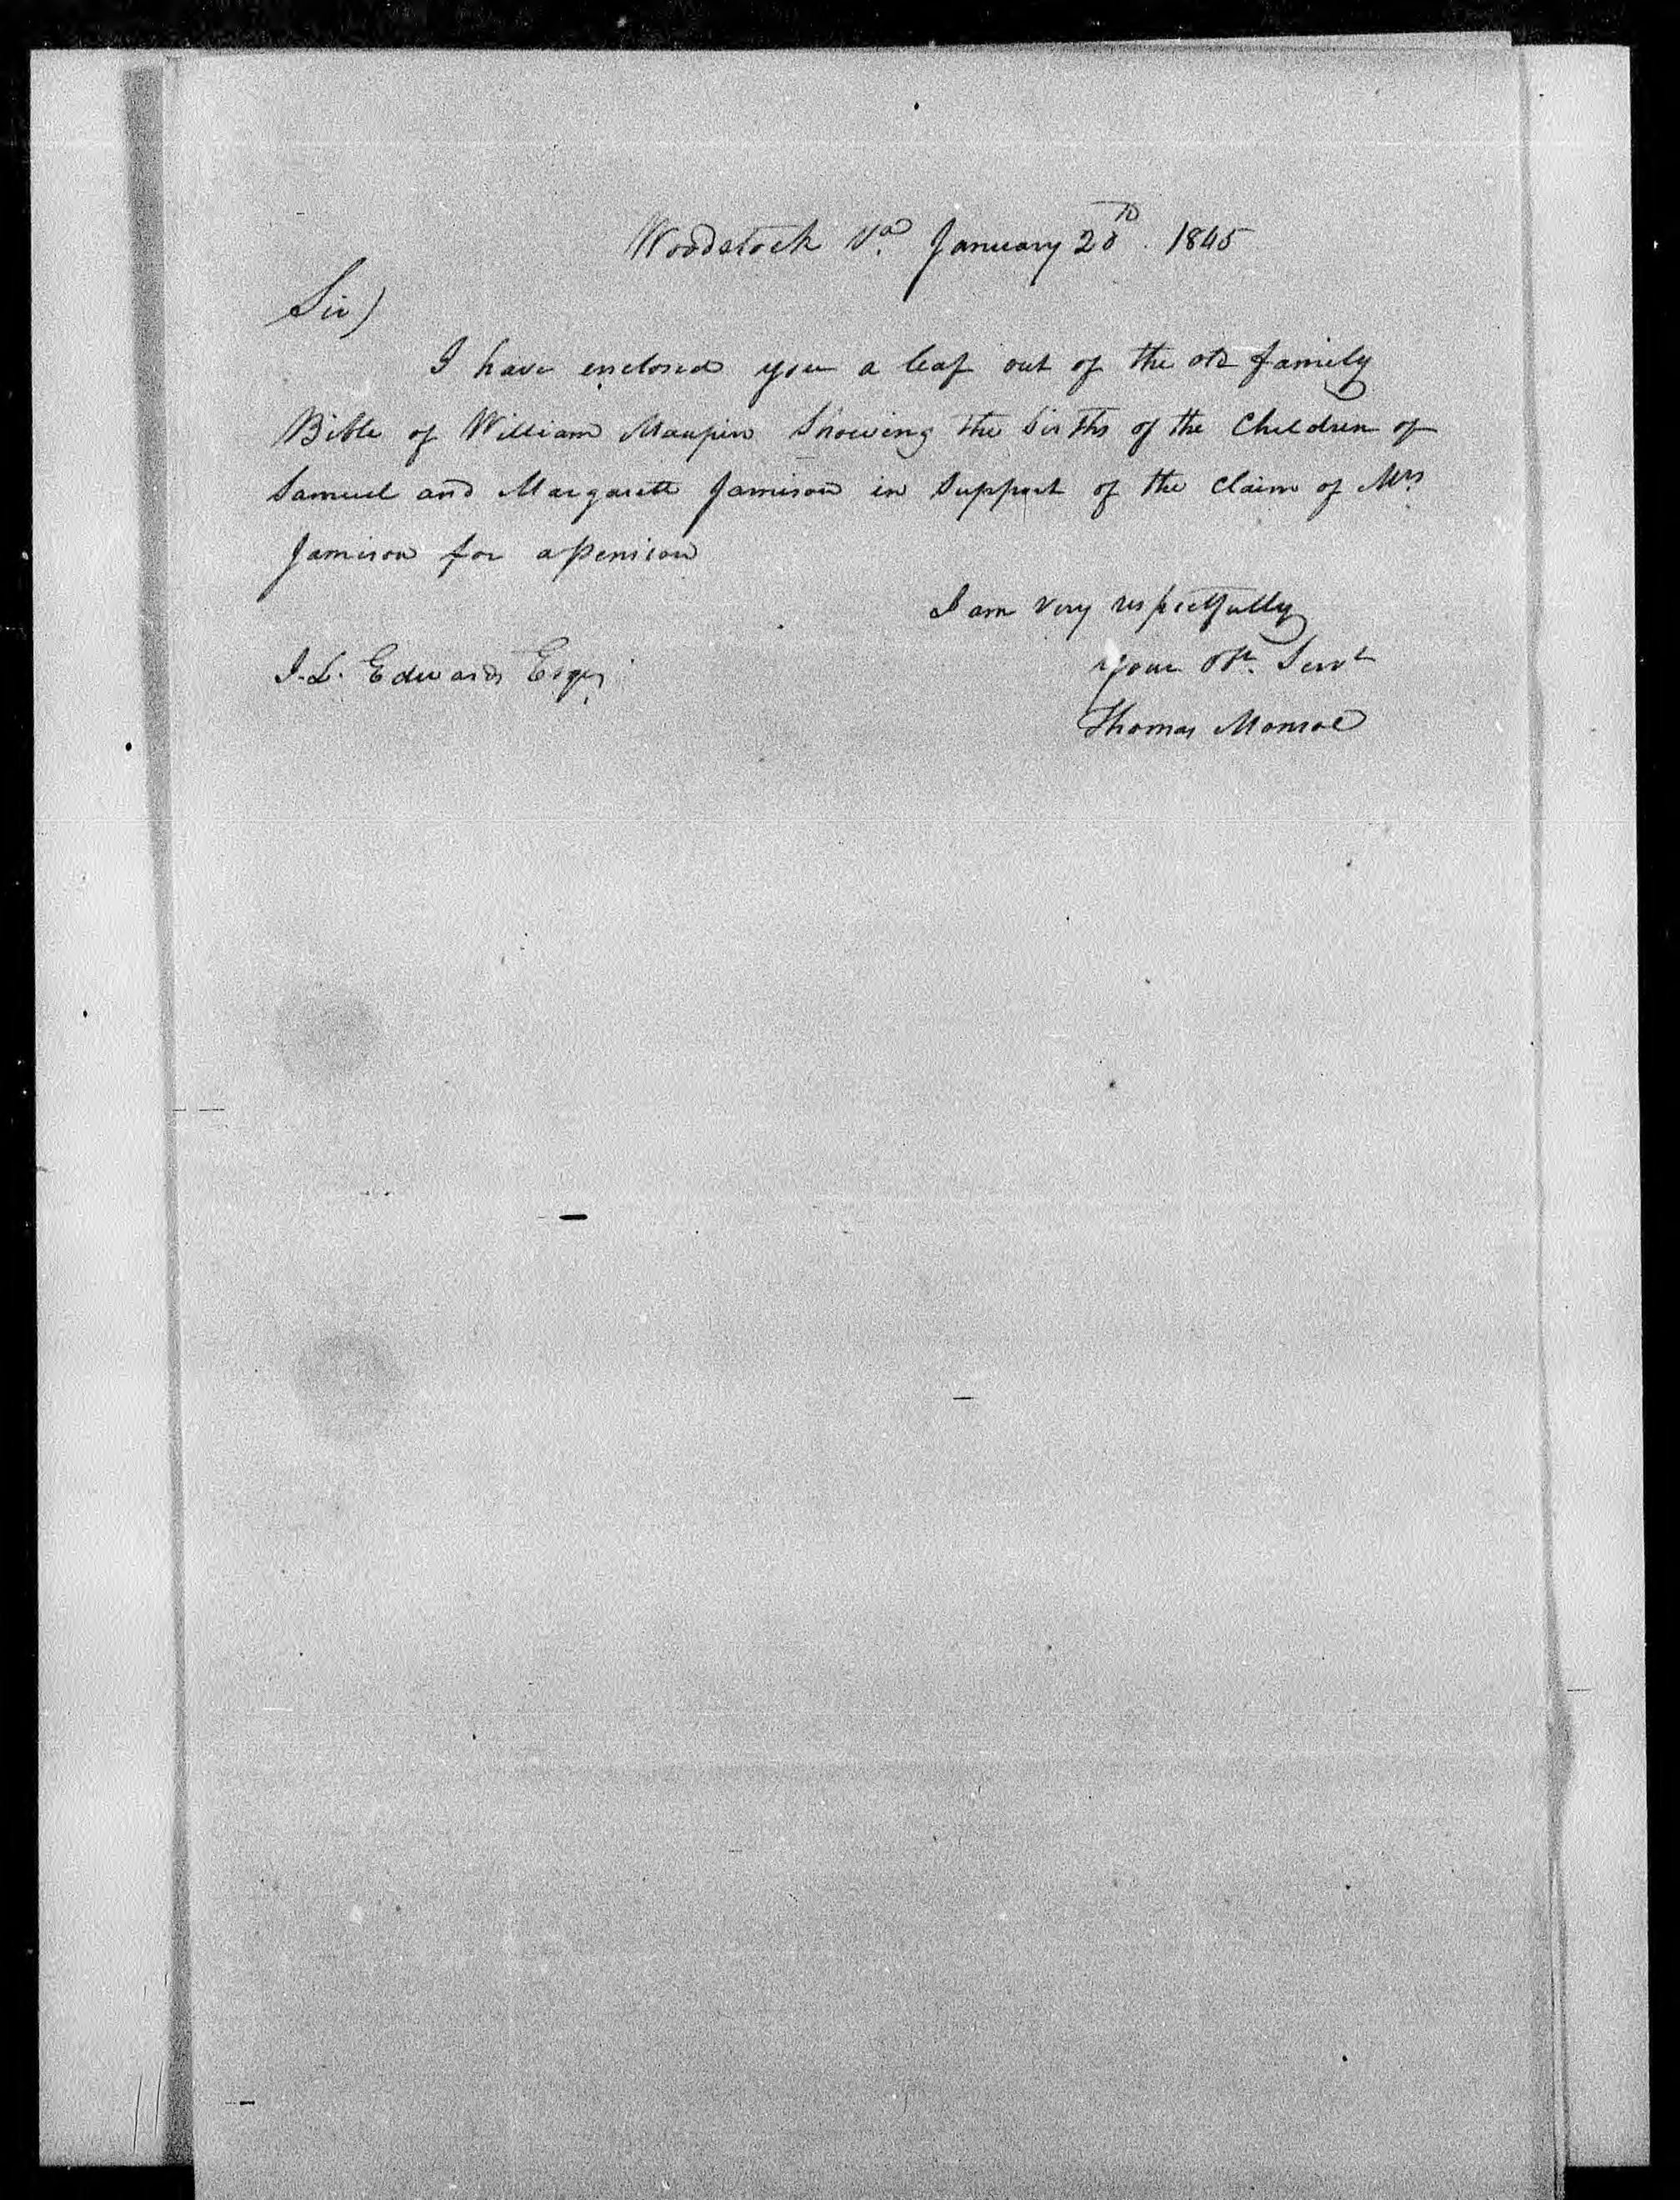Woodstock Va. January 20th 1845
Sir,
  I have enclosed you a leaf out of the old family
Bible of William Maupin showing the births of the children of
Samuel and Margaret Jameson in support of the claim of Mrs.
Jameson for a pension.
 I am very respectfully
your ob't Serv't
Thomas Monroe

J. L. Edwards Esq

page: 18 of 28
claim: widow's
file: W. 5112, for Samuel Jamieson, Virginia